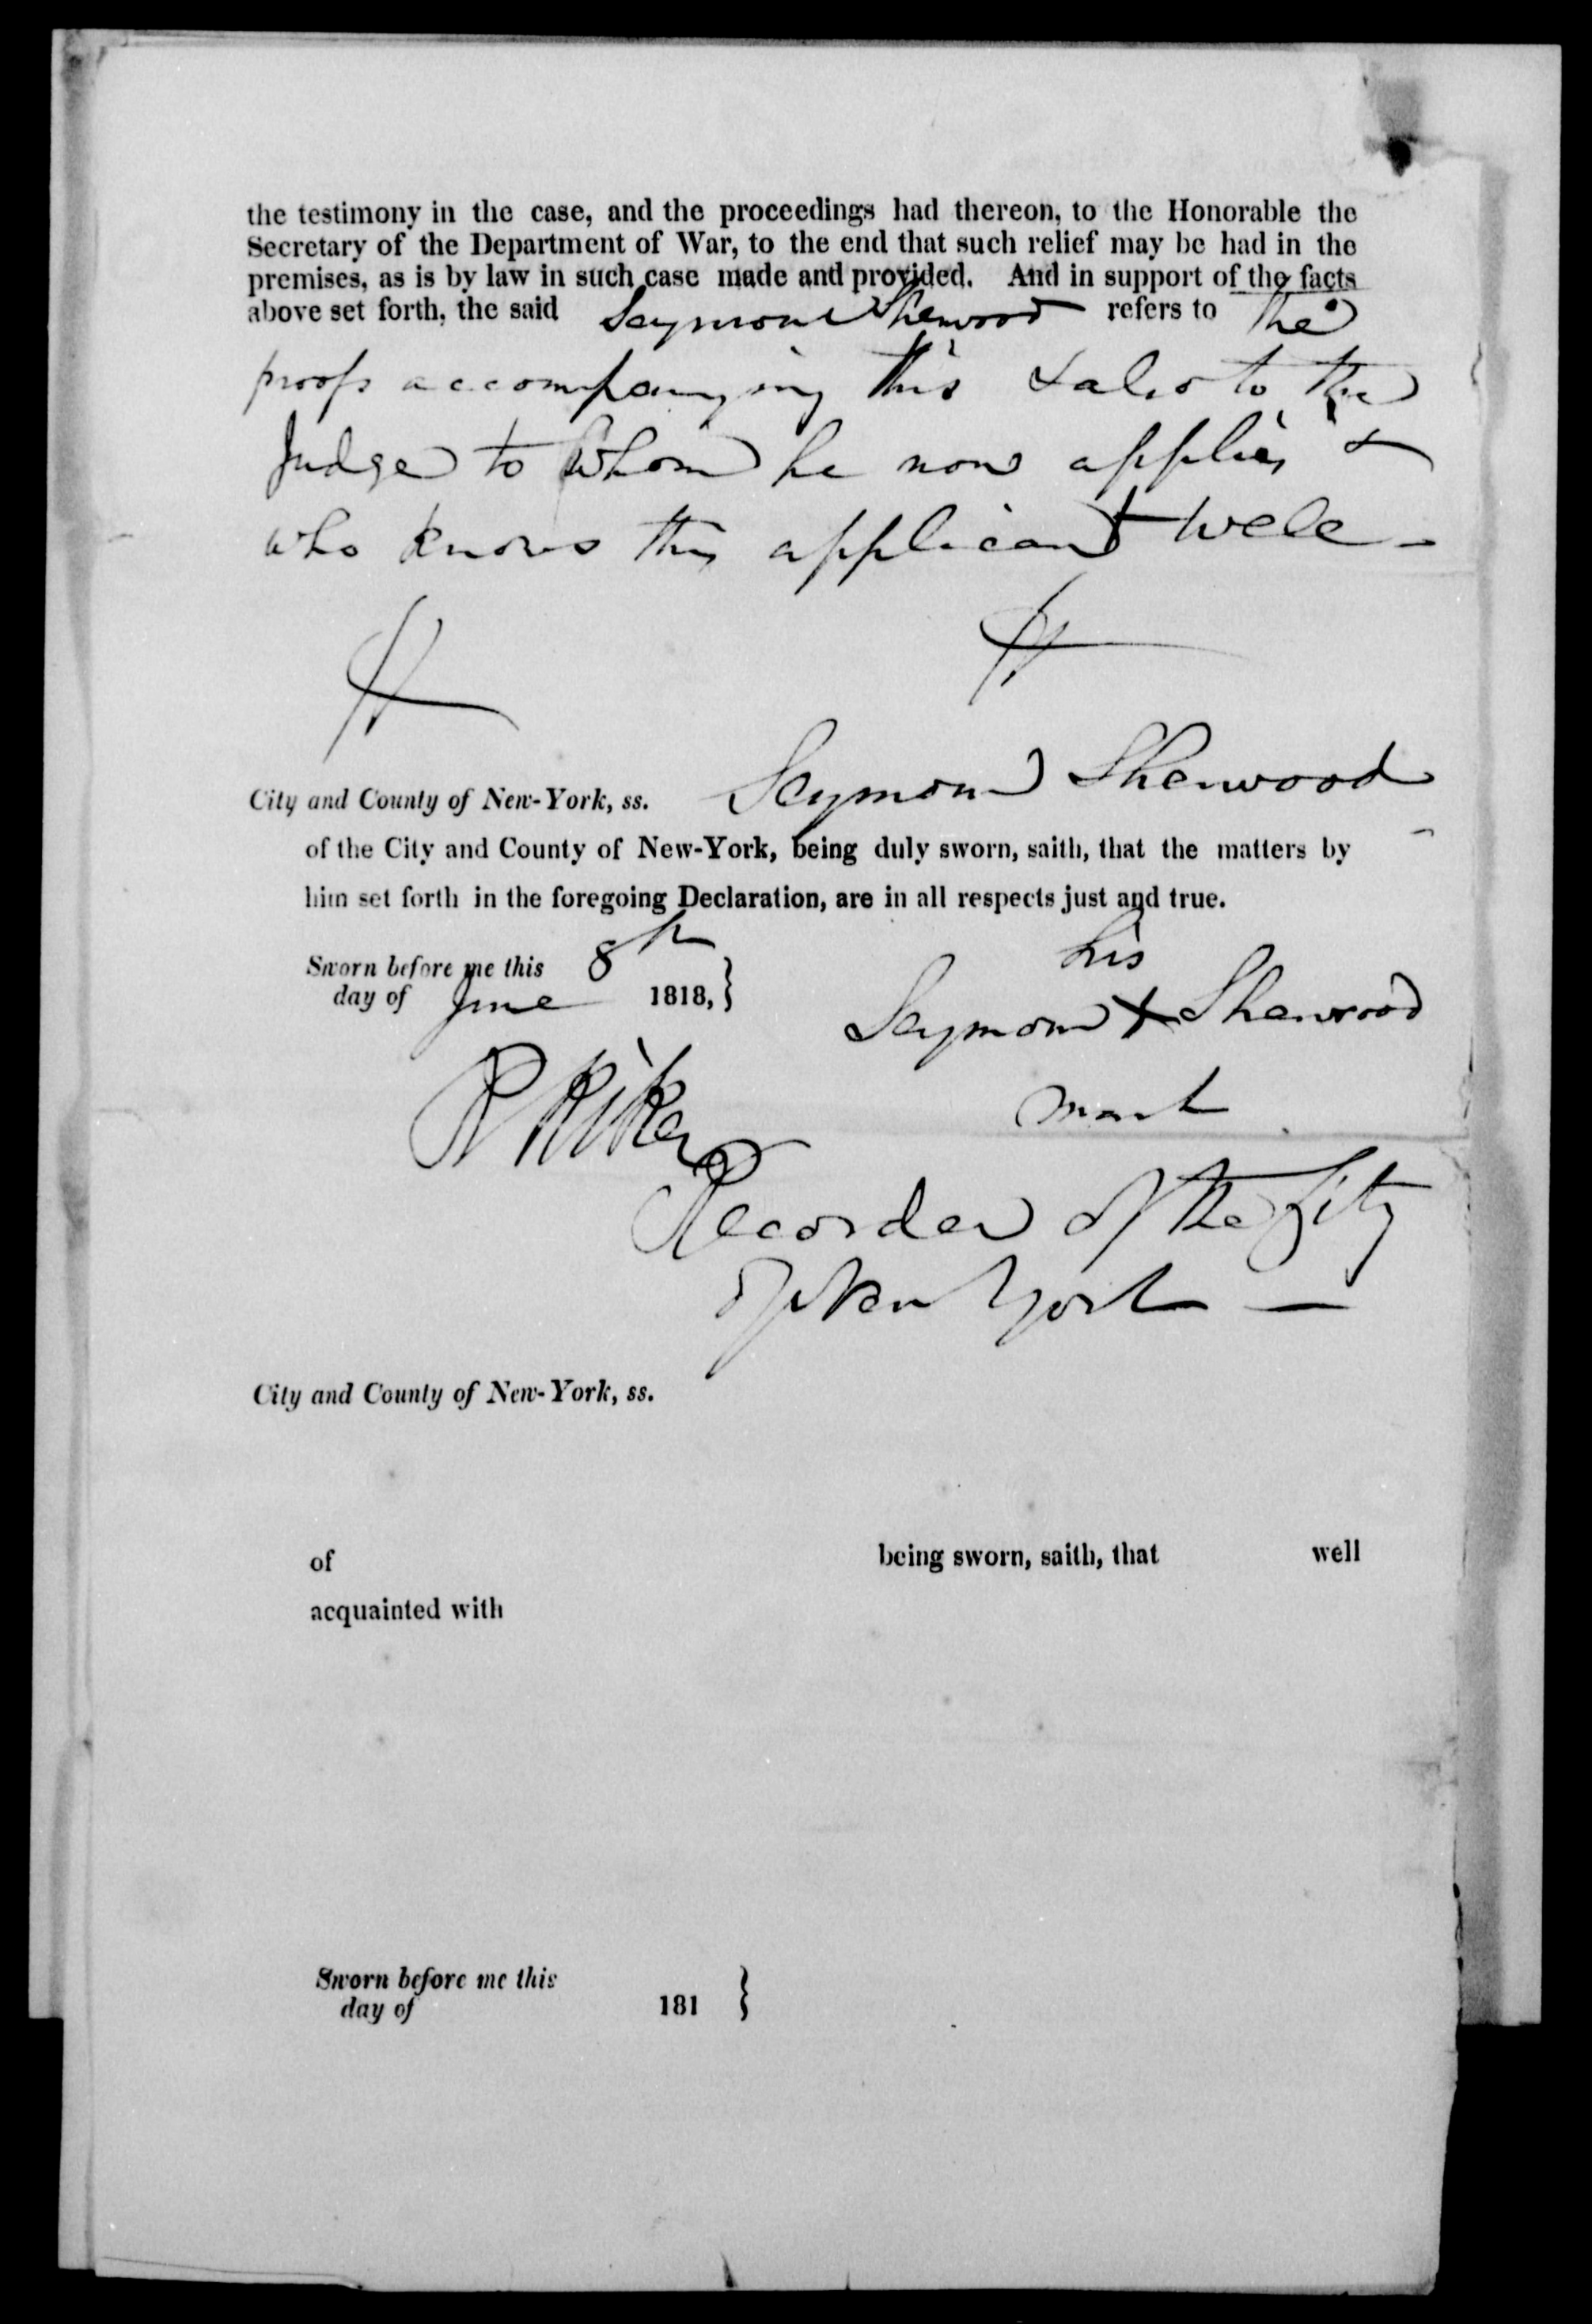the testimony in the case, and the proceedings had thereon, to the Honorable the Secretary of the Department of War, to the end that such relief may be had in the premises, as is by law in such case made and provided.  And in support of the facts above set forth, the said Seymour Sherwood refers to the proof accompanying this sailor to the Judge to whom he now applies and who knows this applicant well.

City and County of New-York, ss. Seymour Sherwood of the City and County of New-York, being duly sworn, saith, that the matters by him set forth in the foregoing Declaration, are in all respects just and true.

Seymour Sherwood (his mark)

Sworn before me this 8th 
day of June 1818.

R.Pike

Recorder of the City of New York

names: Seymour Sherwood; R Riker; Seymour Sherwood; Seymour Sherwood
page: 10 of 30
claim: survivor's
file: S. 42289, for Seymore Sherwood, Connecticut